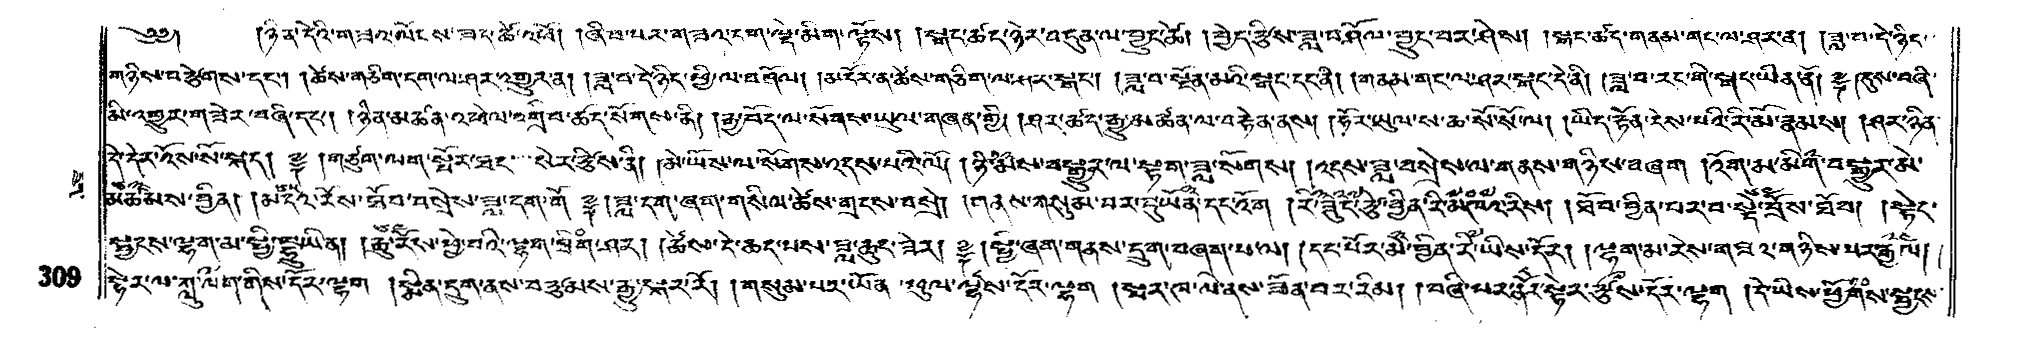༄༅། །ཉིན་དེའི་གཟའ་ལོངས་ཟད་ཚེ་འཕོ། །ཞིབ་པར་གཟའ་ངག་ལྡེ་མིག་ལྟོས། །སྒང་ཚད་ཉེར་བདུན་ལ་བྱུང་ཚེ། །བྱེད་རྩིས་ཟླ་བ་ཤོལ་བྱུང་བར་ཤེས། །སྒང་ཚད་གནམ་གང་ལ་ཤར་ན། །ཟླ་བ་དེ་ཉིད་
གཉིས་བརྩེགས་དང་། །ཚེས་གཅིག་དག་ལ་ཤར་འགྱུར་ན། །ཟླ་བ་དེ་ཉིད་ཕྱི་ལ་བཤོལ། །མདོར་ན་ཚེས་གཅིག་ལ་ཤར་སྒང་། །ཟླ་བ་སྔོན་མའི་སྒང་དང་ནི། །གནམ་གང་ལ་ཤར་སྒང་དེ་ནི། །ཟླ་བ་རང་གི་སྒང་ཡིན་ནོ། ༈ །དུས་བཞི་
མི་འགྱུར་གཟེར་བཞི་དང་། །ཉིན་མཚན་འཕེལ་འགྲིབ་ཚད་སོགས་ནི། །རྒྱ་བོད་ལ་སོགས་ཡུལ་གཞན་གྱི། །ཤར་ཚད་རྒྱུ་མཚན་ལ་བརྟེན་ནས། །ཧོར་ཡུལ་ས་ཆ་སོ་སོ་ལ། །ཡིད་རྟོན་ངེས་པའི་རི་མོ་རྣམས། །ཤར་ཉིན་
དེ་དེར་འོས་སོ་སྐད། ༈ །གཙུག་ལག་སྤོར་ཐད་སེར་རྩིས་ནི། །མེ་ཡོས་ལ་སོགས་འདས་པའི་ལོ། །ཉི་མས་བསྒྱུར་ལ་སྟག་ཟླ་སོགས། །འདས་ཟླ་བསྲེས་ལ་གནས་གཉིས་བཞག །འོག་མ་མིག་བསྒྱུར་མེ་
མཚམས་བྱིན། །མདའ་རོས་ཐོབ་བསྲེས་ཟླ་དག་གོ ༈ །ཟླ་དག་ཞག་གསིལ་ཚེས་གྲངས་བསྲེ། །གནས་གསུམ་བར་དུ་ཡོན་དང་འོག །རི་ཟུང་རྩེ་བྱིན་རི་མཁའ་རིས། །ཐོབ་བྱིན་པར་བ་སྡེ་བྲོས་ཐོབ། །སྟེང་
སྦྱངས་ལྷག་མ་སྤྱི་དྷྲུ་ཡིན། །ཆུ་རོས་ཕྱེ་བའི་ལྷག་ཐིག་ཤར། །ཚེས་དེ་ཆད་པས་ཟླ་ཆུང་ཟེར། ༈ །སྤྱི་ཞག་གནས་དྲུག་བཞག་པ་ལ། །དང་བོར་མེ་བྱིན་རི་ཡིས་དོར། །ལྷག་མ་རེས་གཟའ་གཉིས་པར་རྒྱལ། །
སྟེར་ལ་ཀླུ་ལག་གིས་དོར་ལྷག །སྨིན་དྲུག་ནས་བརྩམས་རྒྱུ་སྐར་རོ། །གསུམ་པར་ཡོན་ཕུལ་ལྷས་དོར་ལྷག །སྤར་ཁ་ལེ་ནས་ཟོན་པར་རིམ། །བཞི་པར་ནོར་སྟེར་རྩྀས་དོར་ལྷག །དེ་ཡིས་ཕྱོགས་སྦྱངས་